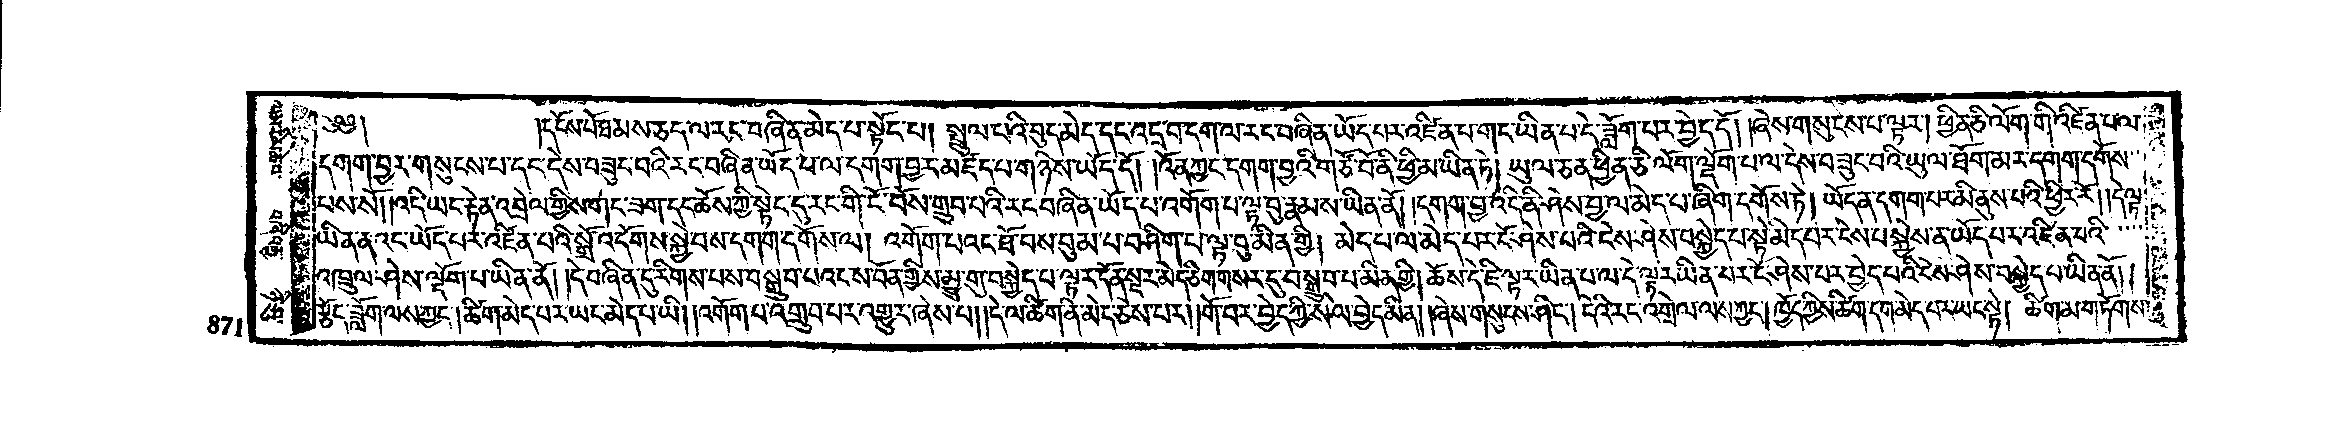༄༅། །དངོས་པོ་ཐམས་ཅད་ལ་རང་བཞིན་མེད་པ་སྟོང་པ། སྤྲུལ་པའི་བུད་མེད་དང་འདྲ་བ་དག་ལ་རང་བཞིན་ཡོད་པར་འཛིན་པ་གང་ཡིན་པ་དེ་ཟློག་པར་བྱེད་དོ། །ཞེས་གསུངས་པ་ལྟར། ཕྱིན་ཅི་ལོག་གི་འཛིན་པ་ལ་
དགག་བྱར་གསུངས་པ་དང་དེས་བཟུང་བའི་རང་བཞིན་ཡོད་པ་ལ་དགག་བྱར་མཛད་པ་གཉིས་ཡོད་དོ། །འོན་ཀྱང་དགག་བྱའི་གཙོ་བོ་ནི་ཕྱི་མ་ཡིན་ཏེ། ཡུལ་ཅན་ཕྱིན་ཅི་ལོག་ལྡོག་པ་ལ་དེས་བཟུང་བའི་ཡུལ་ཐོག་མར་དགག་དགོས་
པས་སོ། །འདི་ཡང་རྟེན་འབྲེལ་གྱིས་གང་ཟག་དང་ཆོས་ཀྱི་སྟེང་དུ་རང་གི་ངོ་བོས་གྲུབ་པའི་རང་བཞིན་ཡོད་པ་འགོག་པ་ལྟ་བུ་རྣམས་ཡིན་ནོ། །དགག་བྱ་འདི་ནི་ཤེས་བྱ་ལ་མེད་པ་ཞིག་དགོས་ཏེ། ཡོད་ན་དགག་པར་མི་ནུས་པའི་ཕྱིར་རོ། །དེ་ལྟ་
ཡིན་ནའང་ཡོད་པར་འཛིན་པའི་སྒྲོ་འདོགས་སྐྱེ་བས་དགག་དགོས་ལ། འགོག་པའང་ཐོ་བས་བུམ་པ་བཤིག་པ་ལྟ་བུ་མིན་གྱི། མེད་པ་ལ་མེད་པར་ངོ་ཤེས་པའི་ངེས་ཤེས་བསྐྱེད་པ་སྟེ་མེད་པར་ངེས་པ་སྐྱེས་ན་ཡོད་པར་འཛིན་པའི་
འཁྲུལ་ཤེས་ལྡོག་པ་ཡིན་ནོ། །དེ་བཞིན་དུ་རིགས་པས་བསྒྲུབ་པའང་ས་བོན་གྱིས་མྱུ་གུ་བསྐྱེད་པ་ལྟར་དོན་སྔར་མེད་ཅིག་གསར་དུ་བསྒྲུབ་པ་མིན་གྱི། ཆོས་དེ་ཇི་ལྟར་ཡིན་པ་ལ་དེ་ལྟར་ཡིན་པར་ངོ་ཤེས་པར་བྱེད་པའི་ངེས་ཤེས་བསྐྱེད་པ་ཡིན་ནོ། །
རྩོད་ཟློག་ལས་ཀྱང་། ཚིག་མེད་པར་ཡང་མེད་པ་ཡི། །འགོག་པ་འགྲུབ་པར་འགྱུར་ཞེས་པ། །དེ་ལ་ཚིག་ནི་མེད་ཅེས་པར། །གོ་བར་བྱེད་ཀྱི་སེལ་བྱེད་མིན། །ཞེས་གསུངས་ཤིང་། དེའི་རང་འགྲེལ་ལས་ཀྱང་། ཁྱོད་ཀྱིས་ཚིག་དག་མེད་པར་ཡང་སྟེ། ཚིག་མ་གཏོགས་